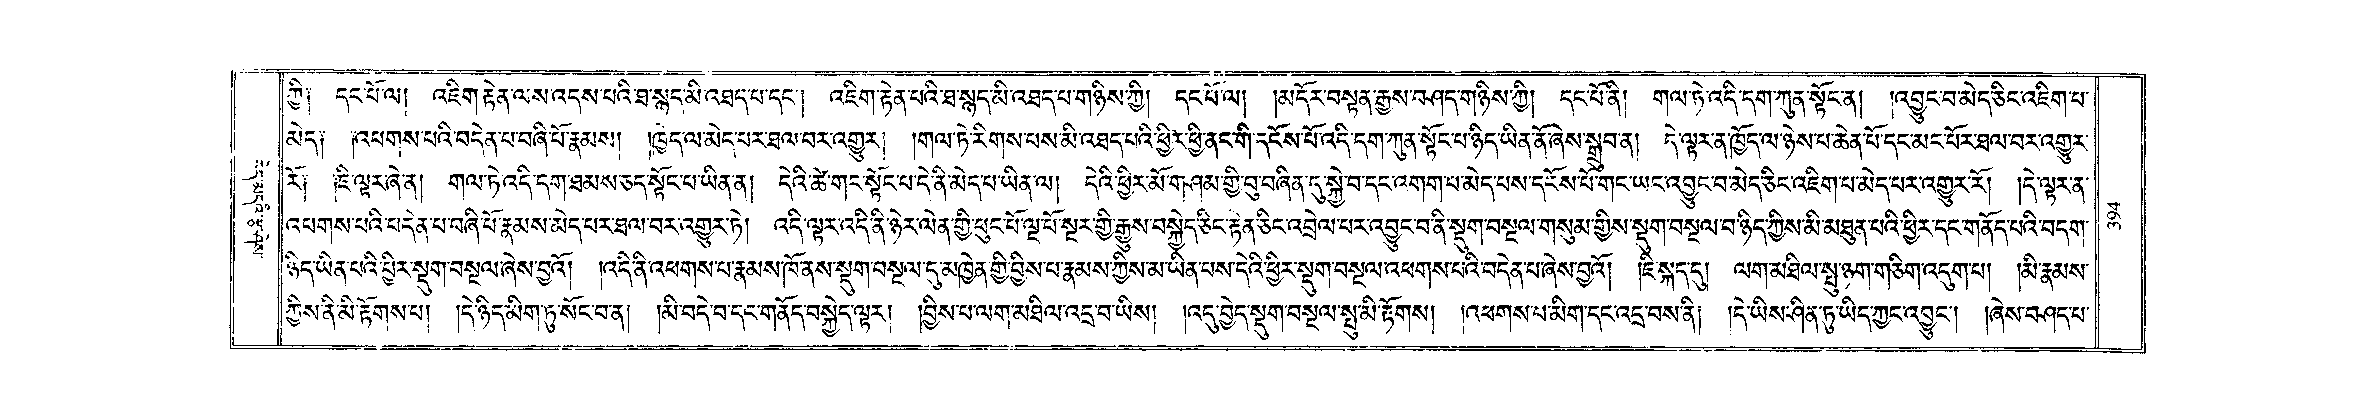ཀྱི། དང་པོ་ལ། འཇིག་རྟེན་ལས་འདས་པའི་ཐ་སྙད་མི་འཐད་པ་དང་། འཇིག་རྟེན་པའི་ཐ་སྙད་མི་འཐད་པ་གཉིས་ཀྱི། དང་པོ་ལ། །མདོར་བསྟན་རྒྱས་བཤད་གཉིས་ཀྱི། དང་པོ་ནི། གལ་ཏེ་འདི་དག་ཀུན་སྟོང་ན། །འབྱུང་བ་མེད་ཅིང་འཇིག་པ་
མེད༑ ༑འཕགས་པའི་བདེན་པ་བཞི་པོ་རྣམས། །ཁྱེད་ལ་མེད་པར་ཐལ་བར་འགྱུར། །གལ་ཏེ་རིགས་པས་མི་འཐད་པའི་ཕྱིར་ཕྱི་ནང་གི་དངོས་པོ་འདི་དག་ཀུན་སྟོང་པ་ཉིད་ཡིན་ནོ་ཞེས་སྒྲུབ་ན། དེ་ལྟར་ན་ཁྱོད་ལ་ཉེས་པ་ཆེན་པོ་དང་མང་པོར་ཐལ་བར་འགྱུར་
རོ༑ ༑ཇི་ལྟར་ཞེ་ན། གལ་ཏེ་འདི་དག་ཐམས་ཅད་སྟོང་པ་ཡིན་ན། དེའི་ཚེ་གང་སྟོང་པ་དེ་ནི་མེད་པ་ཡིན་ལ། དེའི་ཕྱིར་མོ་གཤམ་གྱི་བུ་བཞིན་དུ་སྐྱེ་བ་དང་འགག་པ་མེད་པས་དངོས་པོ་གང་ཡང་འབྱུང་བ་མེད་ཅིང་འཇིག་པ་མེད་པར་འགྱུར་རོ། །དེ་ལྟར་ན་
འཕགས་པའི་བདེན་པ་བཞི་པོ་རྣམས་མེད་པར་ཐལ་བར་འགྱུར་ཏེ། འདི་ལྟར་འདི་ནི་ཉེར་ལེན་གྱི་ཕུང་པོ་ལྔ་པོ་སྔར་གྱི་རྒྱུས་བསྐྱེད་ཅིང་རྟེན་ཅིང་འབྲེལ་པར་འབྱུང་བ་ནི་སྡུག་བསྔལ་གསུམ་གྱིས་སྡུག་བསྔལ་བ་ཉིད་ཀྱིས་མི་མཐུན་པའི་ཕྱིར་དང་གནོད་པའི་བདག་
ཉིད་ཡིན་པའི་ཕྱིར་སྡུག་བསྔལ་ཞེས་བྱའོ། །འདི་ནི་འཕགས་པ་རྣམས་ཁོ་ནས་སྡུག་བསྔལ་དུ་མཁྱེན་གྱི་བྱིས་པ་རྣམས་ཀྱིས་མ་ཡིན་པས་དེའི་ཕྱིར་སྡུག་བསྔལ་འཕགས་པའི་བདེན་པ་ཞེས་བྱའོ། །ཇི་སྐད་དུ། ལག་མཐིལ་སྤུ་ཉག་གཅིག་འདུག་པ། །མི་རྣམས་
ཀྱིས་ནི་མི་རྟོགས་པ། །དེ་ཉིད་མིག་ཏུ་སོང་བ་ན། །མི་བདེ་བ་དང་གནོད་བསྐྱེད་ལྟར། །བྱིས་པ་ལག་མཐིལ་འདྲ་བ་ཡིས། །འདུ་བྱེད་སྡུག་བསྔལ་སྤུ་མི་རྟོགས། །འཕགས་པ་མིག་དང་འདྲ་བས་ནི། །དེ་ཡིས་ཤིན་ཏུ་ཡིད་ཀྱང་འབྱུང་། །ཞེས་བཤད་པ་